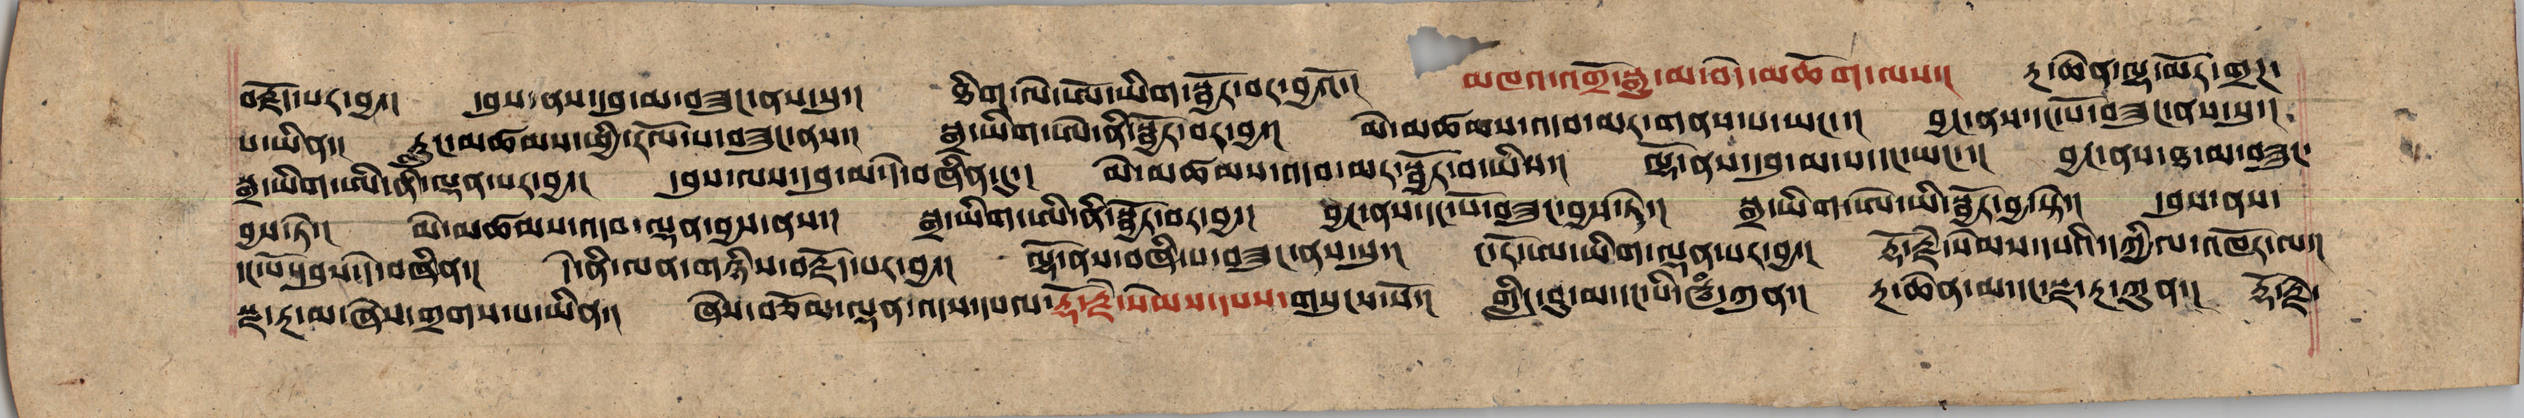བརྗོད་པར་བྱ་། དབུས་ནས་དབུ་མ་བཟུང་ནས་སུ་། ཐིག་ལེ་ཨོ་ཡིག་སྦྱོར་བར་བྱའོ་། མཁའ་འགྲོ་སྒྱུ་མ་བདེ་མཆོག་ལས་། རྔ་ཆེན་ལྷ་མོར་གྲཌ་
པ་ཡིན་། རླུང་མཚམས་ཕྱི་རོལ་ས་བཟུང་ནས་། སྒྲ་ཡིག་ཨེ་ནི་སྦྱོར་བར་བྱ་། མེ་མཚམས་འདབ་མར་གནས་པ་ཡང་་། བྱང་ནས་དང་པོ་བཟུང་ནས་སུ་།
སྒྲ་ཡིག་ཨི་ནི་ལྡན་པར་བྱ་། དབུས་ལས་དབུ་མ་དེ་བཞིན་དུ་། མེ་མཚམས་འདབ་མར་སྦྱོར་བ་ཡིས་། ལྷོ་ནས་དབུ་མ་པ་དང་ཡང་་། བྱང་ནས་ཐ་མ་བཟུང་
བྱས་ཏེ་། མེ་མཚམས་འདབ་ལྡན་བྱས་ནས་། སྒྲ་ཡིག་ཨི་ནི་སྦྱོར་བར་བྱ་། བྱང་ནས་དང་པོ་བཟུང་བྱས་ཏེ་། སྒྲ་ཡིག་ཨེ་ཡི་སྦྱོར་བྱ་སྟེ་། དབུས་ནས་
དང་པོ་དབུས་དེ་བཞིན་། དེ་ནི་ལན་གཉིས་བརྗོད་པར་བྱ་། ལྷོ་ནས་བཞི་པ་བཟུང་ནས་སུ་། ང་རོ་ཨ་ཡིག་ལྡན་པར་བྱ་། རྡོ་རྗེ་སེམས་དཔའི་དཀྱིལ་འཁོར་ལ་།
སྫ་རྔ་མ་ཞེས་གྲགས་པ་ཡིན་། ཞེས་བཅོམ་ལྡན་འདས་དཔལ་་རྡོ་རྗེ་སེམས་དཔས་གསུངས་སོ་། གླིང་བུ་མ་དང་པི་ཝཾ་ཀུན་། རྔ་ཆེན་མ་དང་སྫ་རྔ་ཀུན་། རྡོ་རྗེ་